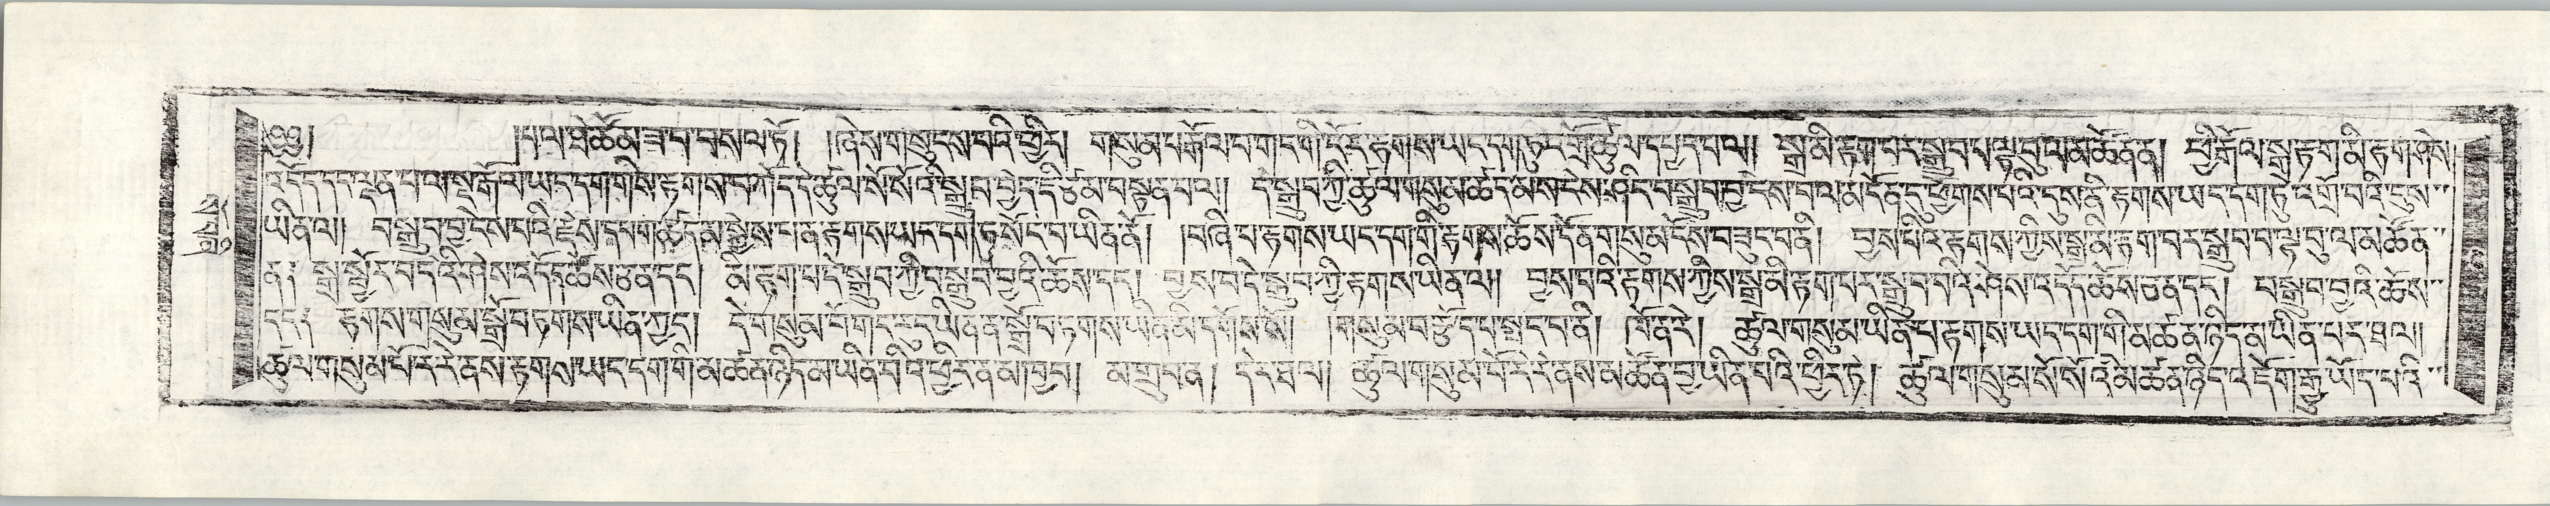༄༅། །པ་ལ་ཐེ་ཚོམ་ཟ་བ་བསལ་ཏོ། །ཞེས་གསུངས་པའི་ཕྱིར། གསུམ་པ་རྒོལ་བ་གང་གི་ངོར་རྟགས་ཡང་དག་ཏུ་འགྲོ་ཚུལ་དཔྱད་པ་ལ། སྒྲ་མི་རྟག་པར་སྒྲུབ་པ་ལྟ་བུ་ལ་མཚོན་ན། ཕྱི་རྒོལ་སྒྲ་རྟག་མི་རྟག་ཤེས་
འདོད་དང་ལྡན་པ་ལ་སྔ་རྒོལ་ཡང་དག་གིས་རྟགས་བཀོད་དེ་ཚུལ་སོ་སོའི་སྒྲུབ་བྱེད་ཇི་ཙམ་བསྟན་པ་ལ། དེ་སྒྲུབ་ཀྱི་ཚུལ་གསུམ་ཚད་མས་ངེས་ཤིང་བསྒྲུབ་བྱ་ངེས་པ་ལ་མངོན་དུ་ཕྱོགས་པའི་དུས་ནི་རྟགས་ཡང་དག་ཏུ་འགྲོ་བའི་དུས་
ཡིན་ལ། བསྒྲུབ་བྱ་ངེས་པའི་རྗེས་དཔག་ཚད་མ་སྐྱེས་པ་ན་རྟགས་ཡང་དག་ཏུ་སོང་བ་ཡིན་ནོ། །བཞི་བ་རྟགས་ཡང་དག་གི་རྟགས་ཆོས་དོན་གསུམ་ངོས་བཟུང་བ་ནི། བྱས་པའི་རྟགས་ཀྱིས་སྒྲ་མི་རྟག་པར་སྒྲུབ་པ་ལྟ་བུ་ལ་མཚོན་
ན། སྒྲ་སྦྱོར་བ་དེའི་ཤེས་འདོད་ཆོས་ཅན་དང་། མི་རྟག་པ་དེ་སྒྲུབ་ཀྱི་བསྒྲུབ་བྱའི་ཆོས་དང་། བྱས་པ་དེ་སྒྲུབ་ཀྱི་རྟགས་ཡིན་ལ། བྱས་པའི་རྟགས་ཀྱིས་སྒྲ་མི་རྟག་པར་སྒྲུབ་པའི་ཤེས་འདོད་ཆོས་ཅན་དང་། བསྒྲུབ་བྱའི་ཆོས་
དང་། རྟགས་གསུམ་སྒྲོ་བཏགས་ཡིན་ཀྱང་། དེ་གསུམ་པོ་གང་རུང་ཡིན་ན་སྒྲོ་བཏགས་ཡིན་མི་དགོས་སོ། །གསུམ་པ་རྩོད་པ་སྤོང་བ་ནི། ཁོ་ན་རེ། ཚུལ་གསུམ་ཡིན་པ་རྟགས་ཡང་དག་གི་མཚན་ཉིད་མ་ཡིན་པར་ཐལ།
ཚུལ་གསུམ་པོ་རེ་རེ་ནས་རྟགས་ཡང་དག་གི་མཚན་ཉིད་མ་ཡིན་པའི་ཕྱིར་ན་མ་ཁྱབ། མ་གྲུབ་ན། དེར་ཐལ། ཚུལ་གསུམ་པོ་རེ་རེ་ནས་མཚོན་བྱ་ཡིན་པའི་ཕྱིར་ཏེ། ཚུལ་གསུམ་སོ་སོའི་མཚན་ཉིད་འཇོག་རྒྱུ་ཡོད་པའི་